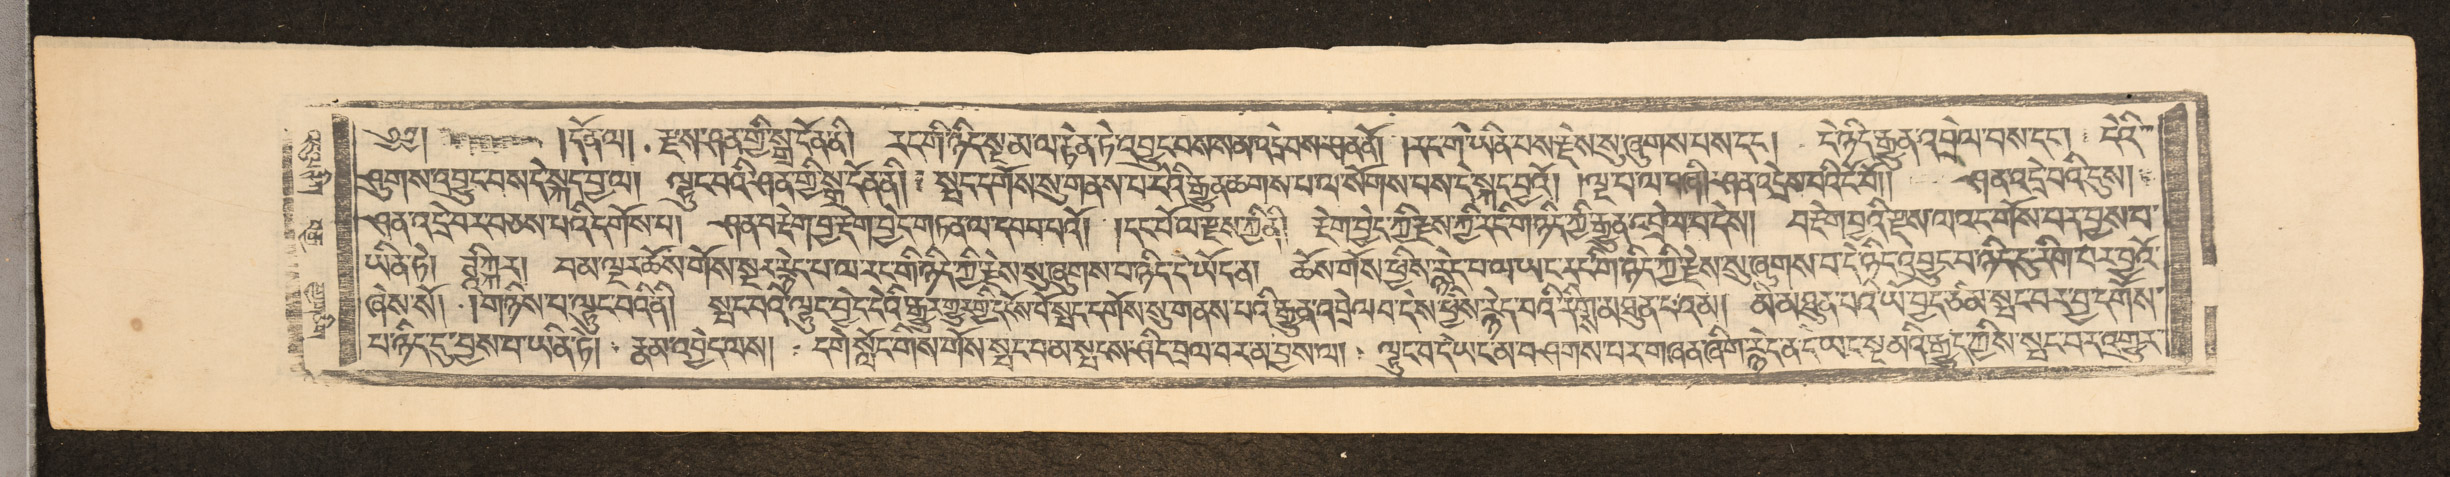༄༅། །དོན་ལ། རྫས་ཤན་གྱི་སྒྲ་དོན་ནི། རང་གི་ཉིད་སྔ་མ་ལ་རྟེན་ཏེ་འབྱུང་བས་སམ་འདྲེ་བས་ཤན་ནོ། །རང་གི་ཡིན་པས་རྗེས་སུ་ཞུགས་པས་དང་། དེ་ཉིད་རྒྱུན་འབྲེལ་བས་དང་། དེའི་
ཤུགས་འབྱུང་བས་དེ་སྐད་བྱ་ལ། ལྟུང་བའི་ཤན་གྱི་སྒྲ་དོན་ནི། སྤང་དགོས་སུ་གནས་པ་དེའི་རྒྱུན་ཆགས་པ་ལ་སོགས་པས་དེ་སྐད་བྱའོ། །ལྔ་པ་ལ་བཞི། ཤན་འདྲེས་པའི་ངོ་བོ།། ཤན་འདྲེ་བའི་དུས།
ཤན་འདྲེ་བར་བཅས་པའི་དགོས་པ། ཤན་བརྡེག་བྱ་རྡེག་བྱེད་གཏན་ལ་དབབ་པའོ། །དང་པོ་ལ་རྫས་ཀྱི་ནི། རྡེག་བྱེད་ཀྱི་རྫས་ཀྱི་རང་གི་ཉིད་ཀྱི་རྒྱུན་འབྲེལ་བ་དེས། བརྡེག་བྱའི་རྫས་ལའང་གོས་པར་བྱས་པ་
ཡིན་ཏེ། ཊཱིཀྐར། བམ་ལྔར་ཆོས་གོས་སྔར་རྙེད་པ་ལ་རང་གི་ཉིད་ཀྱི་རྗེས་སུ་ཞུགས་པ་ཉིད་དེ་ཡོད་ན། ཆོས་གོས་ཕྱིས་རྙེད་པ་ལ་ཡང་རང་གི་ཉིད་ཀྱི་རྗེས་སུ་ཞུགས་པ་དེ་ཉིད་འབྱུང་བ་ཉིད་དུ་རིག་པར་བྱའོ་
ཞེས་སོ། །གཉིས་པ་ལྟུང་བའི་ནི། སྤང་བའི་ལྟུང་བྱེད་དེའི་རྒྱུར་གྱུར་གྱི་དངོས་པོ་སྤད་དགོས་སུ་གནས་པའི་རྒྱུན་འབྲེལ་བ་དེས་ཕྱིས་རྙེད་པའི་རིགས་མཐུན་པའམ། མི་མཐུན་པའི་ཡོ་བྱད་ཙམ་སྤང་བར་བྱ་དགོས་
པ་ཉིད་དུ་བྱས་པ་ཡིན་ཏེ། རྣམ་འབྱེད་ལས། དགེ་སློང་གིས་གོས་སྤང་བ་མ་སྤངས་ཤིང་བྲལ་བར་མ་བྱས་ལ། ལྟུང་བ་དེ་ཡང་མ་བཤགས་པར་གཞན་ཞིག་རྙེད་ན་དེ་ཡང་སྔ་མའི་རྒྱུད་ཀྱིས་སྤང་བར་འགྱུར་